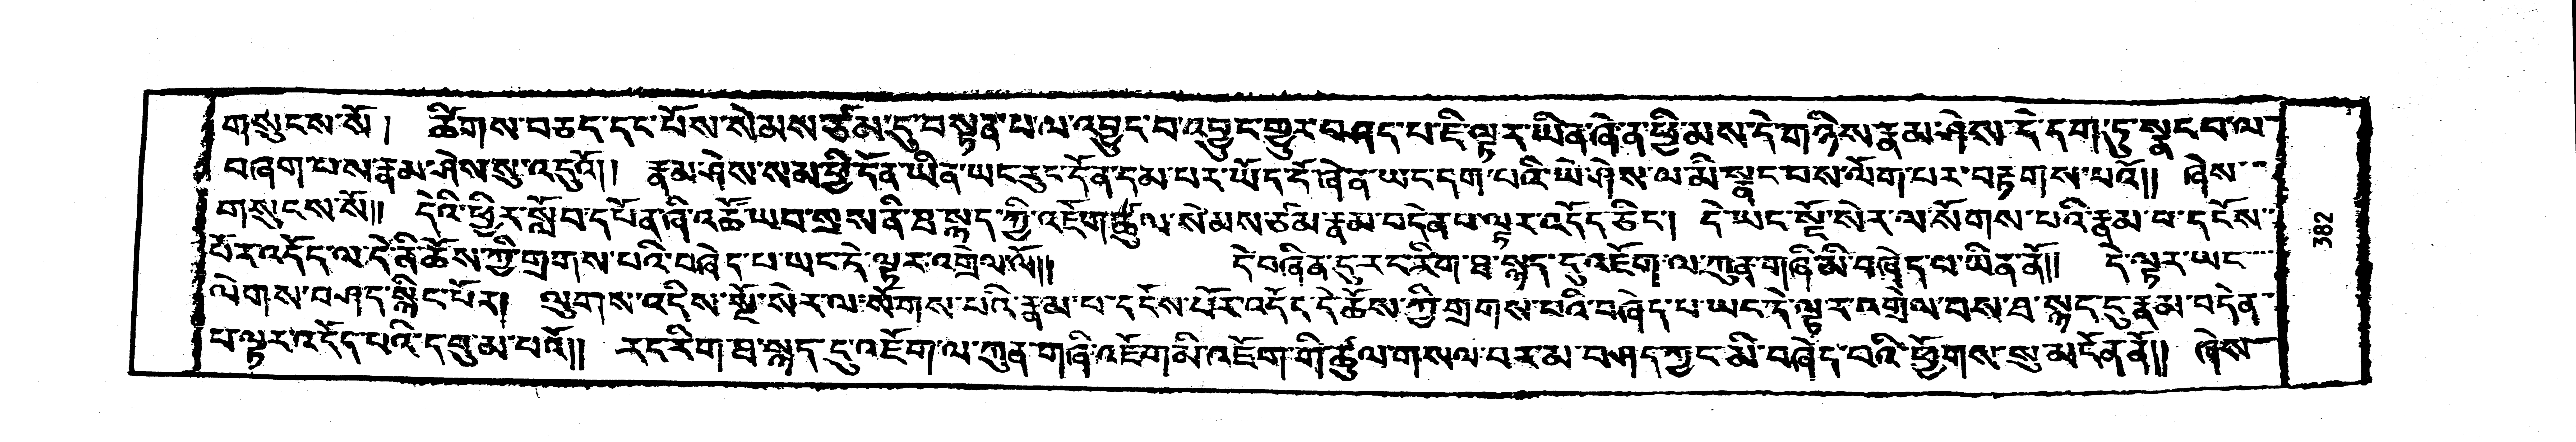གསུངས་སོ། ཚིགས་བཅད་དང་པོས་སེམས་ཙམ་དུ་བསྟན་པ་ལ་འབྱུང་བ་འབྱུང་གྱུར་བཤད་པ་ཇི་ལྟར་ཡིན་ཞེ་ན་ཕྱི་མས་དེ་གཉིས་རྣམ་ཤེས་དེ་དག་ཏུ་སྣང་བ་ལ་
བཞག་པས་རྣམ་ཤེས་སུ་འདུའོ། །རྣམ་ཤེས་སམ་ཕྱི་དོན་ཡིན་ཡང་རུང་དོན་དམ་པར་ཡོད་དོ་ཞེ་ན་ཡང་དག་པའི་ཡེ་ཤེས་ལ་མི་སྣང་བ་ས་ལོག་པར་བརྟགས་པའོ། །ཞེས་
གསུངས་སོ། །དེའི་ཕྱིར་སློབ་དཔོན་ཞི་འཚོ་ཡབ་སྲས་ནི་ཐ་སྙད་ཀྱི་འཇོག་ཚུལ་སེམས་ཙམ་རྣམ་བདེན་པ་ལྟར་འདོད་ཅིང་། དེ་ཡང་སྔོ་སེར་ལ་སོགས་པའི་རྣམ་པ་དངོས་
པོར་འདོད་ལ་དེ་ནི་ཆོས་ཀྱི་གྲགས་པའི་བཞེད་པ་ཡང་དེ་ལྟར་འགྲེལ་ལོ། །དེ་བཞིན་དུ་རང་རིག་ཐ་སྙད་དུ་འཇོག་ལ་ཀུན་གཞི་མི་བཞེད་པ་ཡིན་ནོ། །དེ་ལྟར་ཡང་
ལེགས་བཤད་སྙིང་པོར། ལུགས་འདིས་སྔོ་སེར་ལ་སོགས་པའི་རྣམ་པ་དངོས་པོར་འདོད་དེ་ཆོས་ཀྱི་གྲགས་པའི་བཞེད་པ་ཡང་དེ་ལྟར་འགྲེལ་བས་ཐ་སྙད་དུ་རྣམ་བདེན་
པ་ལྟར་འདོད་པའི་དབུ་མ་པའོ། །རང་རིག་ཐ་སྙད་དུ་འཇོག་ལ་ཀུན་གཞི་འཇོག་མི་འཇོག་གི་ཚུལ་གསལ་བར་མ་བཤད་ཀྱང་མི་བཞེད་པའི་ཕྱོགས་སུ་མངོན་ནོ། །ཞེས་